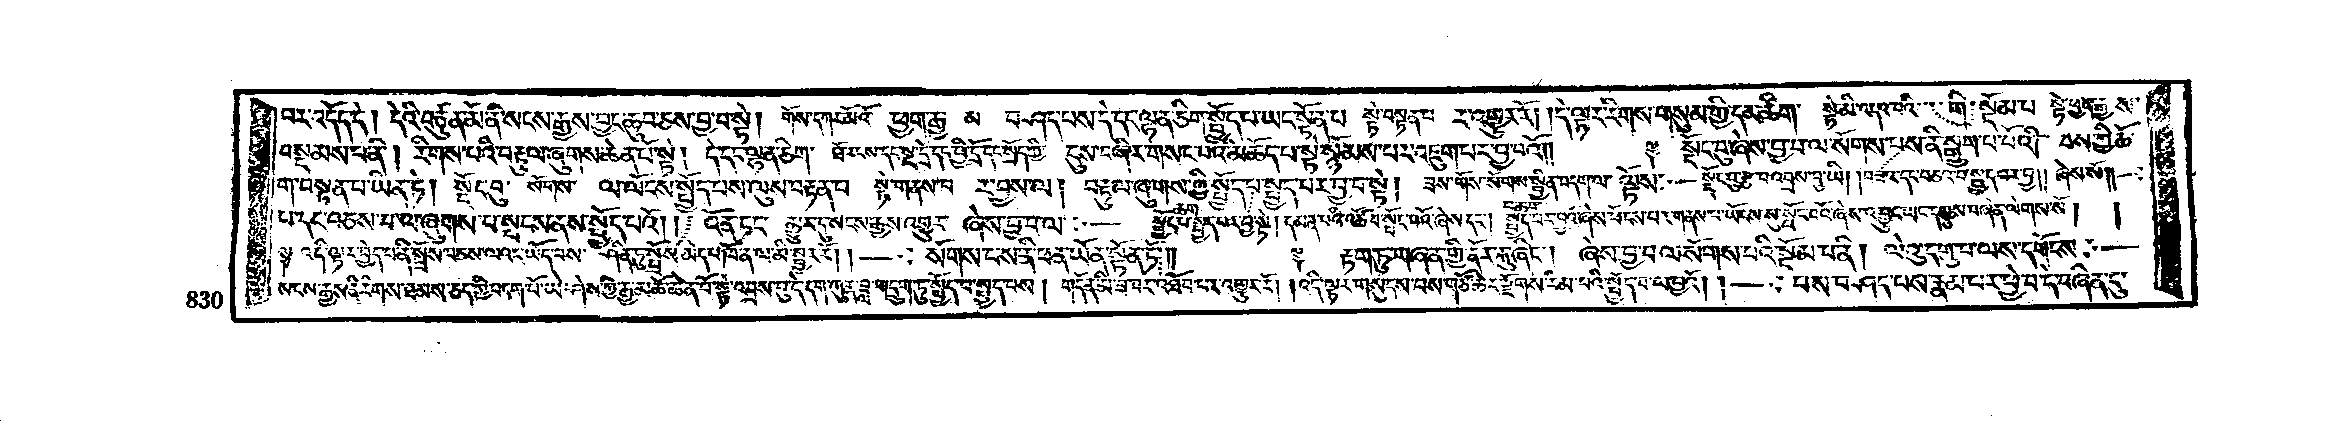བར་འདོད་དོ། དེའི་བཙུན་མོ་ནི་སངས་རྒྱས་བྱང་ཆུབ་ཅེས་བྱ་བ་སྟེ། གོས་དཀར་མོའོ་ཕྱག་རྒྱ་མ་བཤད་པས་དེ་དང་ལྷན་ཅིག་སྤྱོད་པ་ཡང་སྟོན་པ་སྟེ་བསྟན་པར་འགྱུར་རོ། །དེ་ལྟར་རིགས་གསུམ་གྱི་དམ་ཚིག་སྟེ་མི་འདའ་བའི་གི་སྡོམ་པ་སྟེ་ཕྱག་རྒྱས
བསྡམས་པ་ནི། རིགས་པའི་བརྟུལ་ཞུགས་ཆེན་པོ་སྟེ། དེ་དང་ལྷན་ཅིག་ཐོ་རངས་དང་སྔ་དྲོ་དང་ཕྱི་དྲོ་དང་སྲོད་ཀྱི་དུས་བཞིར་གསང་བའི་མཆོད་པ་སྟེ་སྙོམས་པར་འཇུག་པར་བྱ་བའོ།། ༈ སྡོང་བུ་ཞེས་བྱ་བ་ལ་སོགས་པས་ནི་སྒྲུབ་པ་པོའི་ཁ་ཟས་ཀྱི་ཆོ་
ག་བསྟན་པ་ཡིན་ཏེ། སྡོང་བུ་སོགས་ལ་ལོངས་སྤྱོད་པས་ལུས་བརྟན་པ་སྟེ་གནས་པར་བྱས་ལ། བརྟུལ་ཞུགས་ཀྱི་སྤྱོད་པ་སྤྱད་པར་བྱ་བ་སྟེ། ཟས་གོས་སོགས་སྦྱིན་བདག་ལ་ལྟོས་H.་སྡོང་བུ་རྩ་བ་འབྲས་བུ་ཡི། །བཟའ་དང་བཅའ་བ་སྤྱོད་པར་བྱ། །ཞེས་སོ།། .H
པ་དང་བཅས་པ་ལ་ཞུགས་པ་སྤངས་ནས་སྤྱོད་པའོ། །འོན་ཏང་མྱུར་དུ་སངས་རྒྱས་འགྱུར་ཞེས་བྱ་བ་ལ་H.་སྤྱོད་པ་ཆག་སྤྱད་པར་བྱ་སྟེ། དམན་པའི་འཚོ་བ་སྤོང་བའོ་ཞེས་དང་། པ་ཚབ་སྤྱོད་པར་བྱའོ་ཞེས་ཕོངས་པར་གནས་པ་ཡོངས་སུ་སྤོང་བའོ་ཞེས་འབྱུང་ཡང་དཀྱུས་བཞིན་ལེགས་སོ།།
༧་འདི་ལྟར་བྱེད་པ་ནི་སྤྲོས་བཅས་ལའང་ཡོད་པས་ཤིན་ཏུ་སྤྲོས་མེད་པ་ཁོ་ན་ལ་མི་སྦྱར་རོ།། .H སོགས་པས་ནི་ཕན་ཡོན་སྟོན་ཏོ།། ༈ རྟག་ཏུ་གཞན་གྱི་ནོར་རྐུ་ཞིང་། ཞེས་བྱ་བ་ལ་སོགས་པའི་སྡོམ་པ་ནི། ལེའུ་དགུ་པ་ལས་དགོངས་H.
སངས་རྒྱས་ནི་རིགས་ཐམས་ཅད་ཀྱི་བདག་པོ་ཡེ་ཤེས་ཀྱི་རྒྱ་མཚོ་ཆེན་པོ་སྟེ་འབྲས་བུ་དེ་དག་ཀུན་ཟླ་བ་དྲུག་ཏུ་སྤྱོད་པ་སྤྱད་པས། གདོན་མི་ཟ་བར་འཐོབ་པར་འགྱུར་རོ། །འདི་ལྟར་གསུངས་པས་གཙོ་ཆེར་རྫོགས་རིམ་པའི་སྤྱོད་པ་ལ་བྱའོ།།  .H པས་བཤད་པས་རྣམ་པར་ཕྱེ་བ་དེ་བཞིན་དུ་